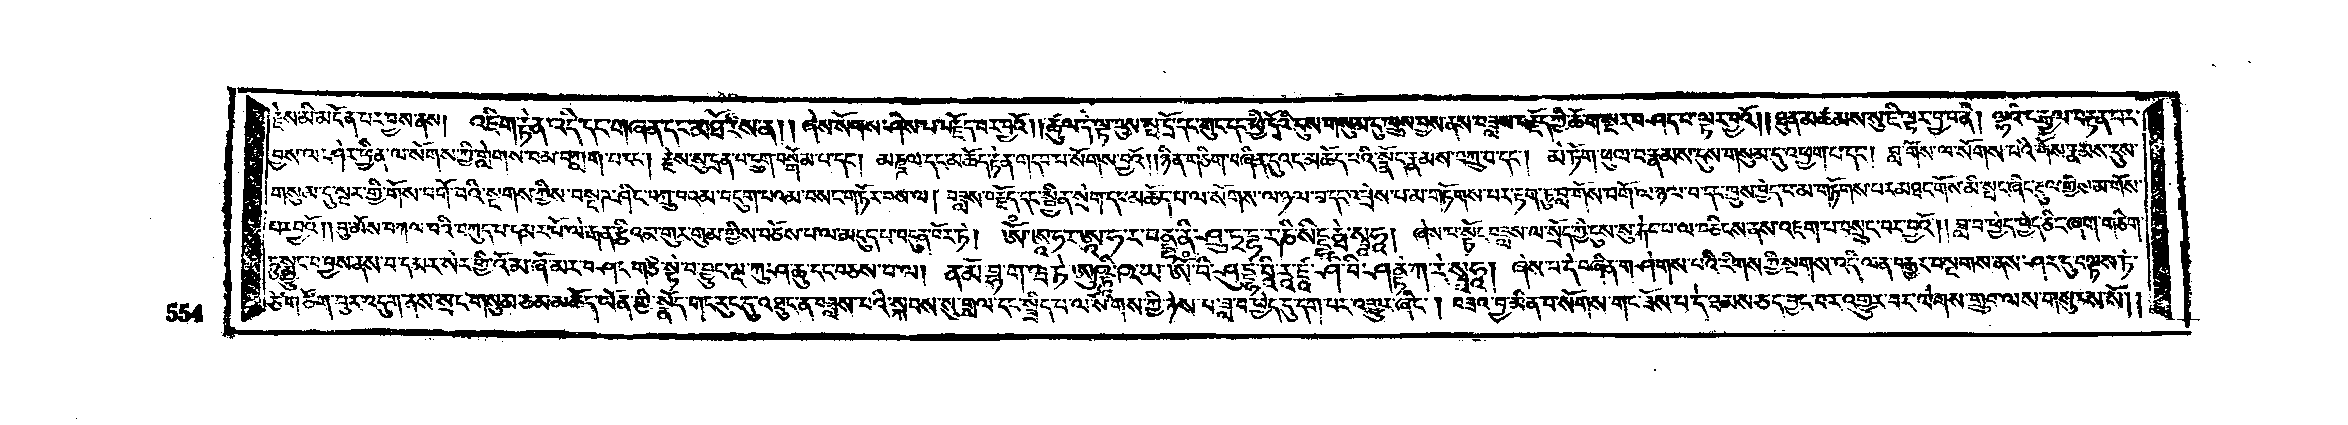རྗེས་མི་མངོན་པར་བྱས་ནས། འཇིག་རྟེན་འདི་དང་གཞན་དང་མཐོ་རིས་ན། །ཞེས་སོགས་ཤིས་པ་བརྗོད་པར་བྱའོ། །ཚུལ་དེ་ལྟ་བུས་སྔ་དྲོ་དང་གུང་དང་ཕྱི་དྲོའི་དུས་གསུམ་དུ་ཁྲུས་བྱས་ནས་བཟླས་བརྗོད་ཀྱི་ཆོ་ག་སྔར་བཤད་པ་ལྟར་བྱའོ། །ཐུན་མཚམས་སུ་ཇི་ལྟར་བྱ་བ་ནི། ལྷའི་ང་རྒྱལ་བརྟན་པར་
བྱས་ལ་ཤེར་ཕྱིན་ལ་སོགས་ཀྱི་གླེགས་བམ་བཀླག་པ་དང་། རྗེས་སུ་དྲན་པ་དྲུག་བསྒོམ་པ་དང་། མཎྜལ་དང་མཆོད་རྟེན་གདབ་པ་སོགས་བྱའོ། །ཉིན་གཅིག་བཞིན་དུའང་མཆོད་པའི་སྣོད་རྣམས་བཀྲུ་བ་དང་། མེ་ཏོག་ཕུལ་བ་རྣམས་དུས་གསུམ་དུ་འཕྱག་པ་དང་། བླ་གོས་ལ་སོགས་པའི་གོས་རྣམས་དུས་
གསུམ་དུ་སྔར་གྱི་གོས་བགོ་བའི་སྔགས་ཀྱིས་བསྔགས་ཤིང་བཀྲུ་བའམ་བདུག་པའམ་བསང་གཏོར་བྱས་ལ། བཟླས་བརྗོད་དང་སྦྱིན་སྲེག་དང་མཆོད་པ་ལ་སོགས་ལ་ཉལ་བ་དང་འཕྲེས་པ་མ་གཏོགས་པར་རྟག་ཏུ་བླ་གོས་བགོ་ལ་ཉལ་བ་དང་ཁྲུས་བྱེད་པ་མ་གཏོགས་པར་མཐང་གོས་མི་སྤང་ཞིང་རྡུལ་གྱིས་མ་གོས་
པར་བྱའོ། །བུ་མོས་བཀལ་བའི་བཀུད་པ་དམར་པོ་ལེ་རྒན་རྩིའམ་གུར་གུམ་གྱིས་བཅོས་པ་ལ་མདུད་པ་བདུན་པོར་ཏེ། ཨོཾ་ཨཱ་ཧ་ར་ཨཱ་ཧ་ར་བནྡྷ་ནི་ཤྲུ་ཏྲ་དྷ་ར་ཎི་སིདྡྷ་རྠེ་སྭཱཧཱ། ཞེས་པ་སྟོང་བཟླས་ལ་སྲོད་ཀྱི་དུས་སུ་རྐེད་པ་ལ་བཅིངས་ནས་འཛག་པ་བསྲུང་བར་བྱའོ། །ཟླ་བ་ཕྱེད་ཕྱེད་ཅིང་ཞག་གཅིག་
ཏུ་སྨྱུང་བ་བྱས་ནས་བ་དམར་སེར་གྱི་འོ་མ་ཞོ་མར་བཤད་གཅི་སྟེ་བ་བྱུང་ལྔ་ཀུ་ཤ་ཆུ་དང་བཅས་པ་ལ། ན་མོ་བྷ་ག་ཝ་ཏེ་ཨུཥྟཱི་ཥ་ཡ་ཨོཾ་བི་ཤུདྡྷེ་བཱི་རཱ་ཛཱ་ཤི་བི་ཤནྟེ་ཀ་རེ་སྭཱཧཱ། ཞེས་པ་དེ་བཞིན་གཤེགས་པའི་རིགས་ཀྱི་སྔགས་འདི་ལན་བརྒྱར་བསྔགས་ནས་ཤར་དུ་བལྟས་ཏེ་
ཙོག་ཙོག་པུར་འདུག་ནས་སྲང་གསུམ་ཙམ་མཆོད་ཡོན་གྱི་སྣོད་གང་རུང་དུ་འཐུང་ན་བཟླས་པའི་སྐབས་སུ་གླལ་དང་སྦྲིད་པ་ལ་སོགས་ཀྱི་ཉེས་པ་ཟླ་བ་ཕྱེད་དུ་དག་པར་འགྱུར་ཞིང་། བཟའ་བྱ་མིན་པ་སོགས་གང་ཟོས་པ་དེ་ཐམས་ཅད་བྱང་བར་འགྱུར་བར་ལེགས་གྲུབ་ལས་གསུངས་སོ།།